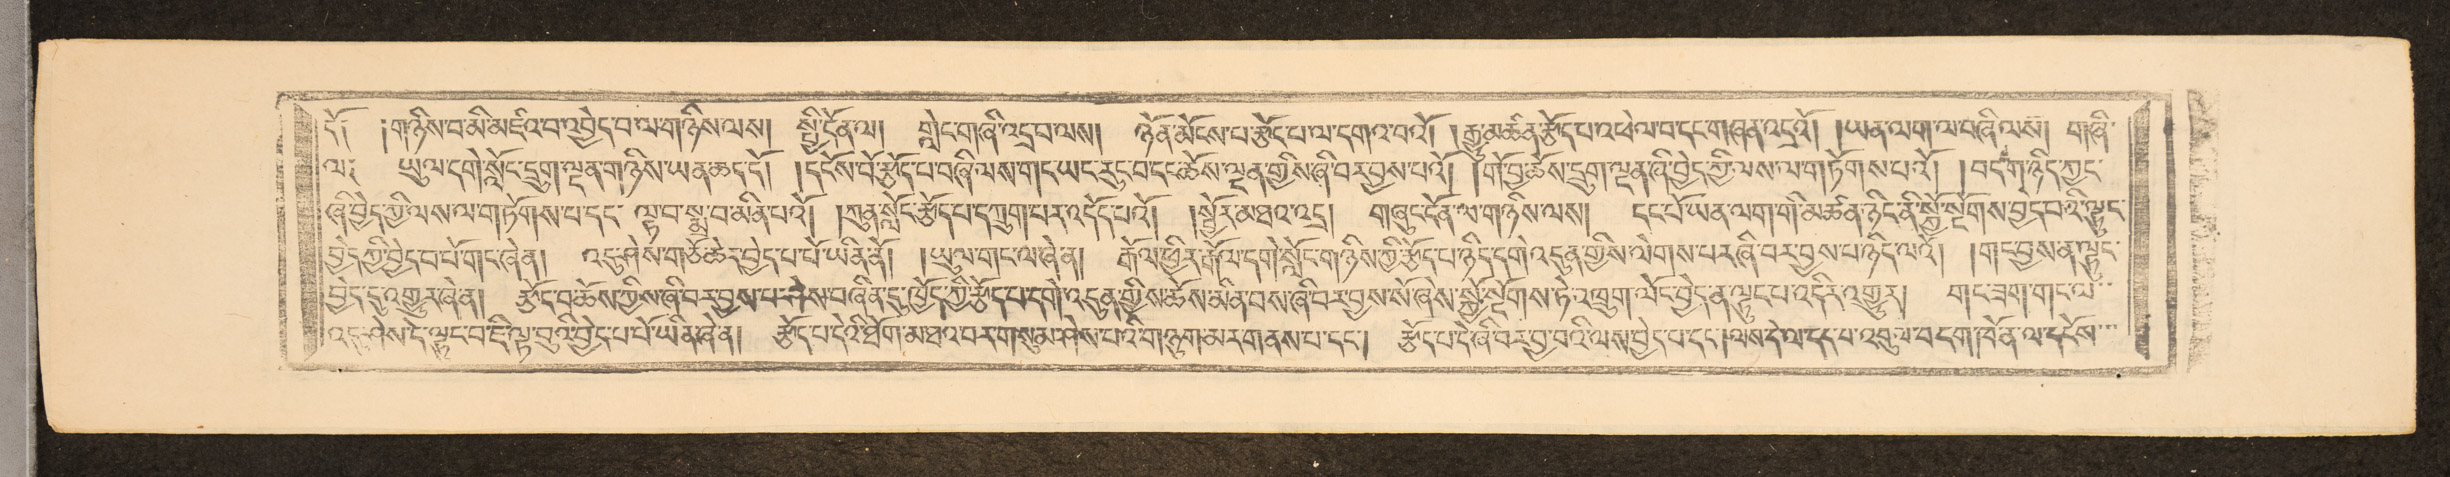དོ༑ །གཉིས་པ་མི་མཛའ་བ་འབྱེད་པ་ལ་གཉིས་ལས། སྤྱི་དོན་ལ། གླེང་གཞི་འདྲ་བ་ལས། ཉོན་མོངས་པ་རྩོད་པ་ལ་དགའ་བའོ། །རྒྱུ་མཚན་རྩོད་པ་འཕེལ་པ་དང་གཞན་འདྲའ། །ཡན་ལག་ལ་བཞི་ལས། གཞི་
ལ༑ ཡུལ་དགེ་སློང་དྲུག་ལྡན་གཉིས་ཡན་ཆད་དོ། །དངོས་པོ་རྩོད་པ་བཞི་ལས་གང་ཡང་རུང་བ་དང་ཆོས་ལྡན་གྱིས་ཞི་བར་བྱས་པའོ། །གོ་བྱ་ཆོས་དྲུག་ལྡན་ཞི་བྱེད་ཀྱི་ལས་ལ་གཏོགས་པའོ། །བདག་ཉིད་ཀྱང་
ཞི་བྱེད་ཀྱི་ལས་ལ་གཏོགས་པ་དང་ལྟ་བ་སྨྲ་བ་མིན་པའོ། །ཀུན་སློང་རྩོད་པ་དཀྲུག་པར་འདོད་པའོ། །སྦྱོར་མཐའ་འདྲ། གཞུང་དོན་ལ་གཉིས་ལས། དང་པོ་ཡན་ལག་གི་མཚན་ཉིད་ནི་སྐྱོ་སྡོགས་བྱེད་པའི་ལྟུང་
བྱེད་ཀྱི་བྱེད་པ་པོ་གང་ཞེ་ན། འདུ་ཤེས་གཙོ་ཆེར་བྱེད་པ་པོ་ཡིན་ནོ། །ཡུལ་གང་ལ་ཞེ་ན། རྒོལ་ཕྱིར་རྒོལ་དགེ་སློང་གཉིས་ཀྱི་རྩོད་པ་ཉིད་དགེ་འདུན་གྱིས་ལེགས་པར་ཞི་བར་བྱས་པ་ཉིད་ལའོ། །གང་བྱས་ན་ལྟུང་
བྱེད་དུ་འགྱུར་ཞེ་ན། རྩོད་པ་ཆོས་ཀྱིས་ཞི་བར་བྱས་པ་ཤེས་བཞིན་དུ་ཁྱོད་ཀྱི་རྩོད་པ་དགེ་འདུན་གྱིས་ཆོས་མིན་པས་ཞི་བར་བྱས་སོ་ཞེས་སྐྱོ་སྡོགས་ཏེ་འཁྲུག་ལོང་བྱེད་ན་ལྟུང་བ་འདིར་འགྱུར། གང་ཟག་གང་ལ་
འདུ་ཤེས་དེ་ལྟུང་བ་ཇི་ལྟ་བུའི་བྱེད་པ་པོ་ཡིན་ཞེ་ན། རྩོད་པ་དེའི་ཐོག་མཐའ་བར་གསུམ་ཤེས་པའི་གཉུག་མར་གནས་པ་དང་། རྩོད་པ་དེ་ཞི་བར་བྱ་བའི་ལས་བྱེད་པ་དང་། ལས་དེ་ལ་དད་པ་འབུལ་བ་དག་ཁོ་ན་ལ་དངོས་